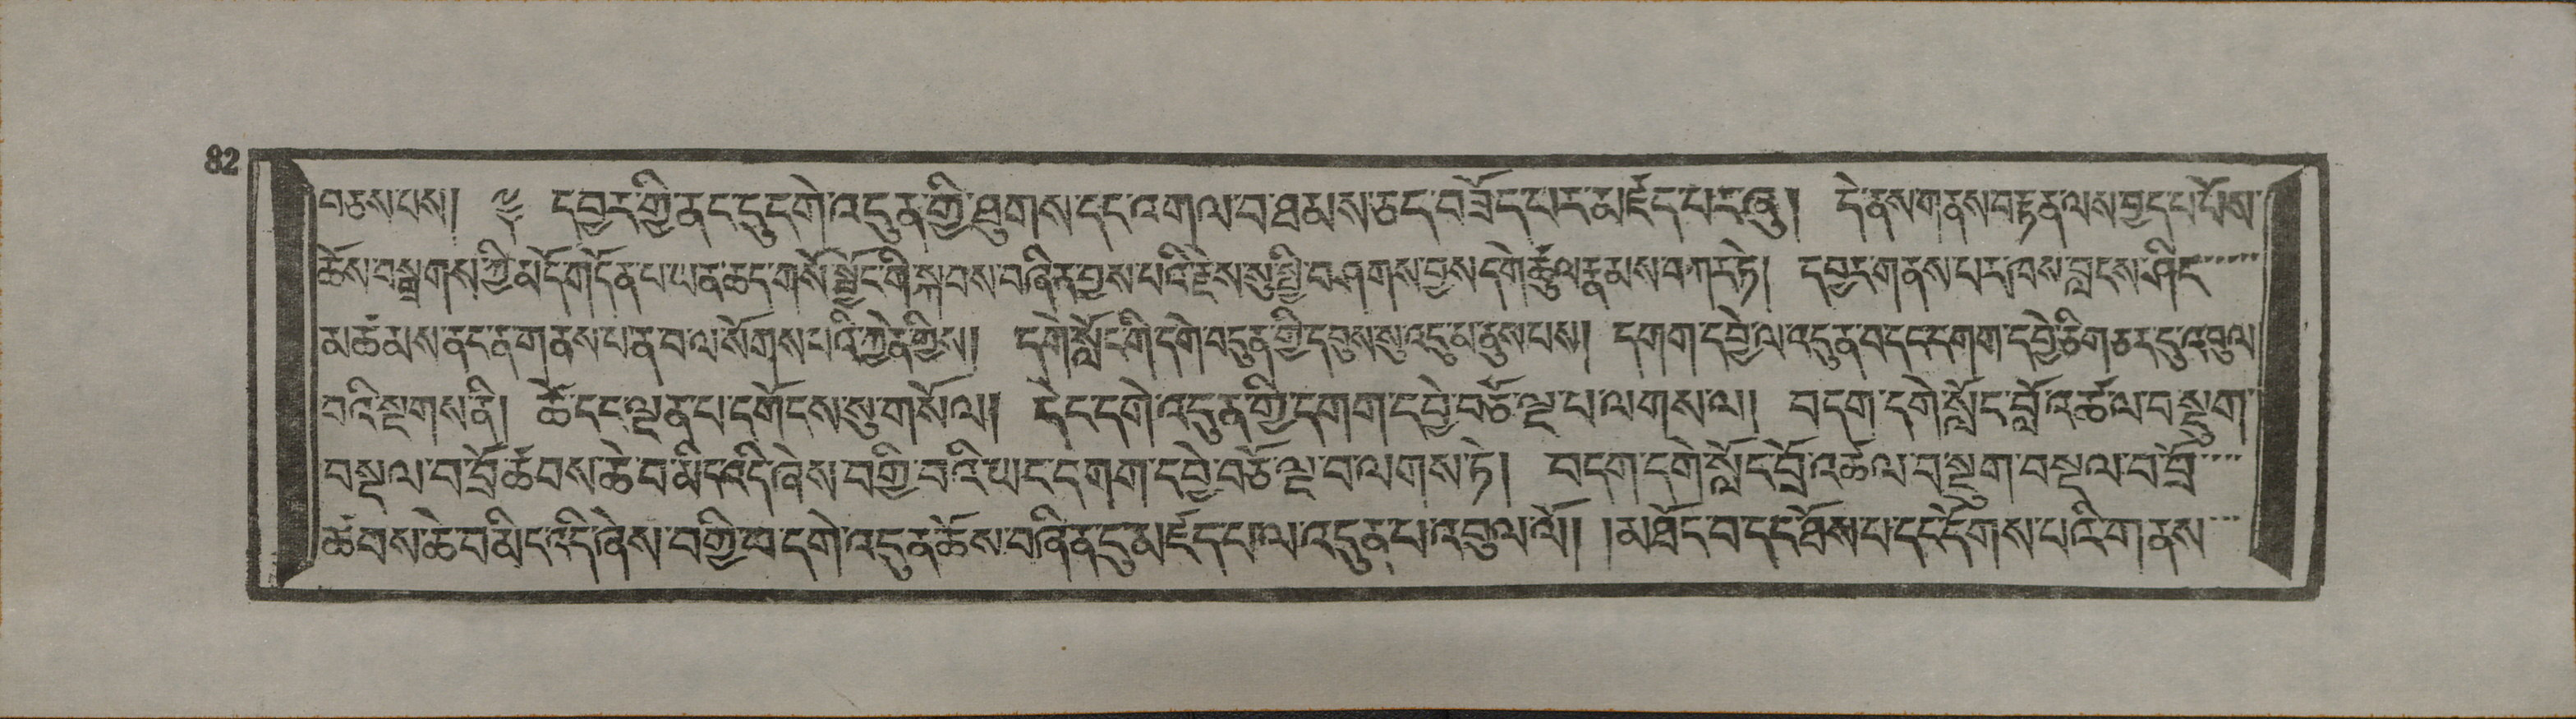བཅས་པས། ༈ དབྱར་གྱི་ནང་དུ་དགེ་འདུན་གྱི་ཐུགས་དང་འགལ་བ་ཐམས་ཅད་བཟོད་པར་མཛད་པར་ཞུ། དེ་ནས་གནས་བརྟན་ལས་བྱད་པ་པོས་
ཆོས་བསྒྲགས་ཀྱི་མདོ་གདོན་པ་ཡན་ཆད་གསོ་སྦྱོང་གི་སྐབས་བཞིན་བྱས་པའི་རྗེས་སུ་སྤྱི་བཤགས་བྱས་དགེ་ཚུལ་རྣམས་བཀར་ཏེ། དབྱར་གནས་པར་ཁས་བླངས་ཤིང་
མཚམས་ནང་ན་གནས་པ་ན་བ་ལ་སོགས་པའི་ཀྱེན་གྱིས། དགེ་སློང་གི་དགེ་བདུན་གྱི་དབུས་སུ་འདུ་མ་ནུས་པས། དགག་དབྱེ་ལ་འདུན་པ་དང་དགག་དབྱེ་ཅིག་ཅར་དུ་འབུལ་
བའི་སྔགས་ནི། ཚེ་དང་ལྡན་པ་དགོངས་སུ་གསོལ། དེང་དགེ་འདུན་གྱི་དགག་དབྱེ་བཅོ་ལྔ་པ་ལགས་ལ། བདག་དགེ་སློང་བློ་འཚལ་བསྡུག་
བསྔལ་བ་བྲོ་ཚབས་ཆེ་བ་མིང་འདི་ཞེས་བགྱི་བའི་ཡང་དགག་དབྱེ་བཅོ་ལྔ་བ་ལགས་ཏེ། བདག་དགེ་སློང་བྲོ་འཚལ་བ་སྡུག་བསྔལ་བ་བྲོ་
ཚབས་ཆེ་བ་མིང་འདི་ཞེས་བགྱི་བ་དགེ་འདུན་ཆོས་བཞིན་དུ་མཛད་པ་ལ་འདུན་པ་འབུལ་ལོ། །མཐོང་བ་དང་ཐོས་པ་དང་དོགས་པའི་གནས་